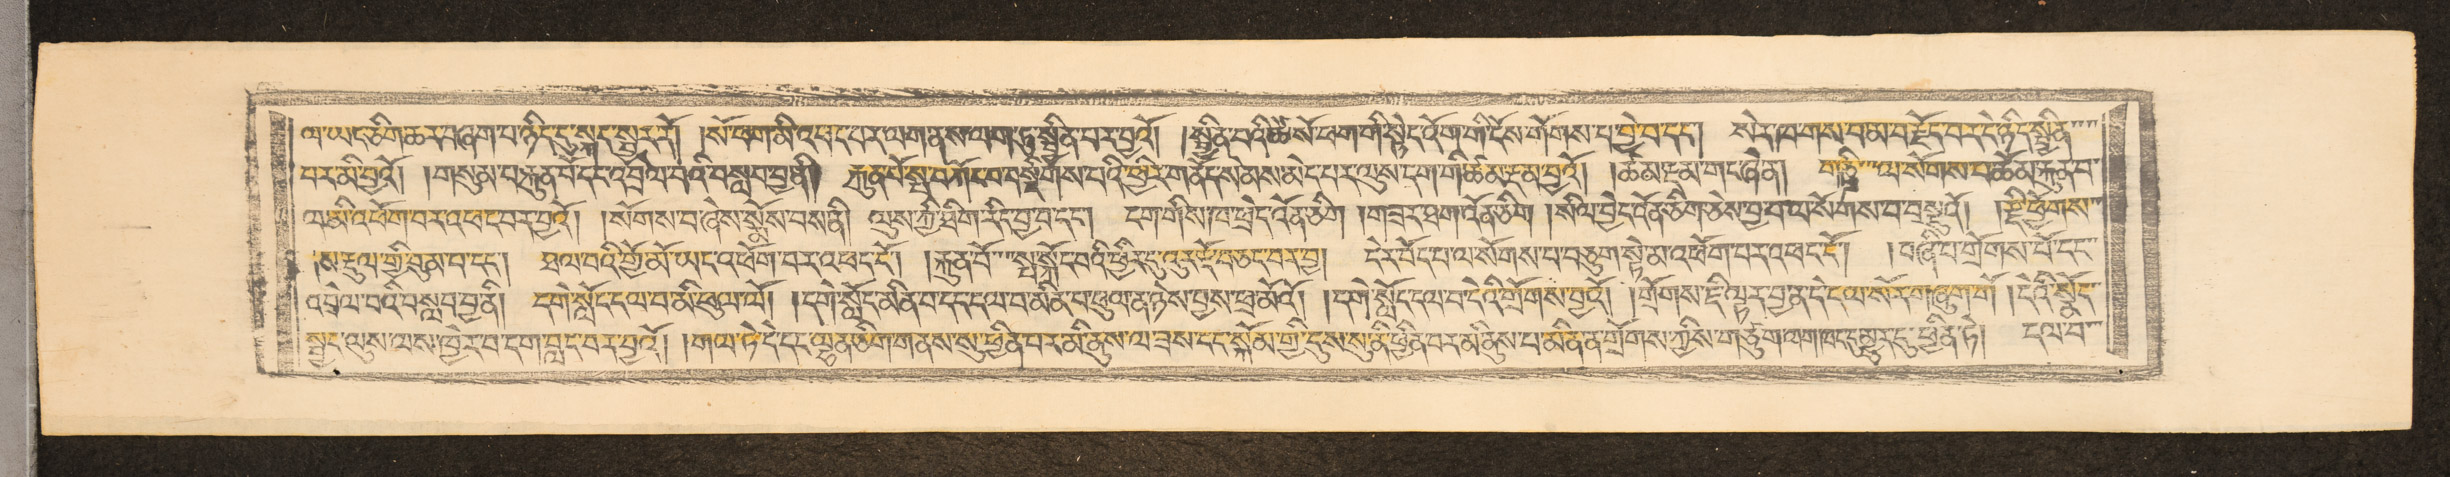ལ་ཡང་ཅིག་ཆར་བཞག་པ་ཉིད་དུ་སྐད་སྦྱར་རོ། །སོ་ཕག་མི་འཕང་བར་ལག་ནས་ལག་ཏུ་སྦྱིན་པར་བྱའོ། །སྦྱིན་པའི་ཚེ་སོ་ཕག་གི་སྟེང་འོག་གི་ངོས་གོགས་པ་བྱེ་པ་དང་། སེར་ཁགས་པ་མ་བརྗོད་པར་དེ་ཉིད་སྦྱིན་
པར་མི་བྱའོ། །གསུམ་པ་རྐུན་པོ་དང་འབྲེལ་བའི་བསླབ་བྱ་ནི། རྐུན་པོ་སྤ་བཀོང་བ་བསྡིགས་པའི་ཕྱིར་གནོད་སེམས་མེད་པར་ལུས་ངག་གི་ཚམ་རྔམ་བྱའོ། །ཚམ་རྔམ་གང་ཞེ་ན། གཎྜི་ལ་སོགས་པ་ཆོམ་རྐུན་པ་
ལ་མི་འཕོག་པར་འཕང་བར་བྱའོ། །སོགས་པ་ཞེས་སྨོས་པས་ནི། ལུས་ཀྱི་ཐིག་རིང་བྱ་བ་དང་། དག་གིས་ཁ་ཕྲེང་འོན་ཅིག །གཟར་ཐག་འོན་ཅིག །སིལ་བྱེད་འོན་ཅིག་ཅེས་བྱ་བ་ལ་སོགས་པ་བསྡུའོ། །རྫི་ཕྱོགས་
ནས་རྡུལ་གྱི་བུམ་པ་དང་། ཐལ་བའི་གྱོ་མོ་ཡང་འཕོག་པར་འཕང་ངོ། །རྐུན་པོ་སྤ་སྐོང་བའི་ཕྱིར་དུ་འུར་རྡོ་བཅང་བར་བྱ། དེར་བོང་པ་ལ་སོགས་པ་བཅུག་སྟེ་མ་འཕོག་པར་འཕང་ངོ། །བཞི་པ་གྲོགས་པོ་དང་
འབྲེལ་བའི་བསླབ་བྱ་ནི། དགེ་སློང་ངལ་བ་མི་ཕུལ་ལོ། །དགེ་སློང་མིན་པ་དང་ངལ་བ་མིན་པ་ཕུལ་ན་ཉེས་བྱས་ཕྲ་མོའོ། །དགེ་སློང་ངལ་བ་དེའི་གྲོགས་བྱའོ། །གྲོགས་ཇི་ལྟར་བྱ་ན་དེ་ངལ་སོར་གཞུག་གོ །དེའི་སྣོད་
སྤྱད་ལུས་ལས་ཁྱེར་བ་དག་བླང་བར་བྱའོ། །གལ་ཏེ་དེ་དང་ལྷན་ཅིག་གནས་སུ་ཕྱིན་པར་མི་ནུས་ལ་ཟས་དང་སྐོམ་གྱི་དུས་སུ་ནི་ཕྱིན་པར་མི་ནུས་པ་མིན་ན་གྲོགས་ཀྱིས་གཙུག་ལག་ཁང་དུ་མྱུར་དུ་ཕྱིན་ཏེ། ངལ་བ་